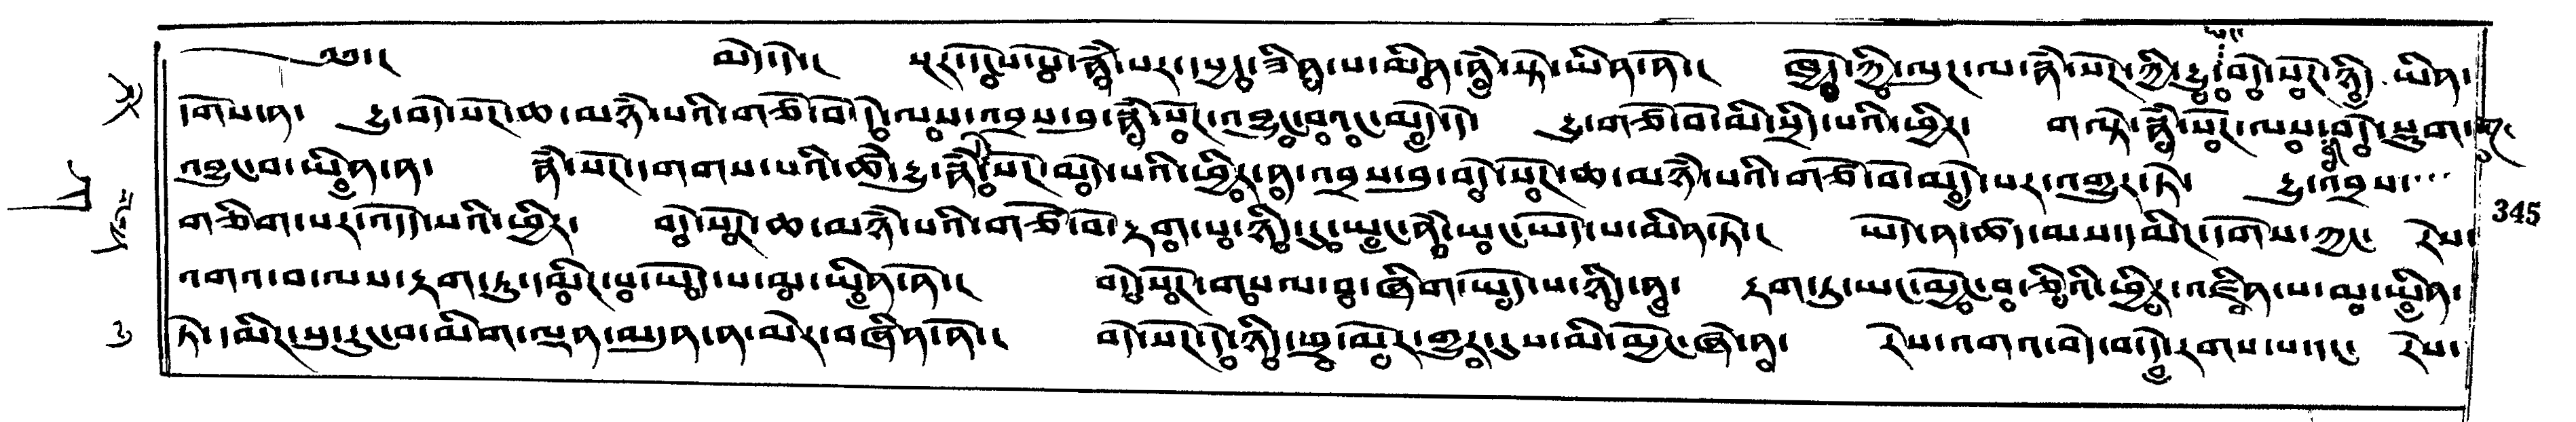མེད་དེ། སྔར་དངོས་པོ་རྣམ་པར་དཔྱད་ཟིན་པ་མིན་ནམ་སྟེ་ཡིན་ནོ།། ཁྱོད་ཀྱི་ལུགས་ལ་སྣམ་སོགས་ཀྱི་རྒྱུ་ཡང་བདེ་སོགས་ཉིད་ཡིན་
དགོས་ན། རྒྱུ་བདེ་སོགས་ཆ་མཉམ་པའི་གཙོ་བོ་དེ་ལས་འབྲས་བུ་སྣམ་སོགས་འབྱུང་བའང་མེད་དེ། རྒྱུ་གཙོ་བོ་མི་སྲིད་པའི་ཕྱིར། གལ་ཏེ་སྣམ་སོགས་ལས་བདེ་སྡུག་སོགས་
འབྱུང་བ་ཡིན་ན། སྣམ་སོགས་འགག་པའི་ཚེ་རྒྱུ་སྣམ་སོགས་མེད་པའི་ཕྱིར་ན་འབྲས་བུ་བདེ་སོགས་ཆ་མཉམ་པའི་གཙོ་བོ་མེད་པར་འགྱུར་ཏེ། རྒྱུ་འབྲས་
གཅིག་པར་འདོད་པའི་ཕྱིར། བདེ་སོགས་ཆ་མཉམ་པའི་གཙོ་བོ་རྟག་པ་ཉིད་དུ་ཡང་ནམ་ཡང་ཡོད་པ་མིན་ཏེ། ཡོད་ན་ཚད་མས་དམིགས་དགོས་ཀྱང་། རེས་
འགའ་བ་ལས་རྟག་ཏུ་དམིགས་པ་ཡོད་པ་མ་ཡིན་ནོ།། བདེ་སོགས་གསལ་བ་ཞིག་ཡོད་པ་ཉིད་ན། རྟག་ཏུ་ཡང་མྱོང་བ་ཅིའི་ཕྱིར་འཛིན་པ་མ་ཡིན་
ཏེ་དམིགས་སུ་རུང་བ་མིག་ལྡན་མདུན་ན་མར་མེ་བཞིན་ནོ།།བདེ་སོགས་དེ་ཉིད་ཕྲ་མོར་འགྱུར་དུས་མི་མྱོང་ཞེ་ན། རེས་འགའ་བདེ་བ་དེ་རགས་པ་དང་། རེས་